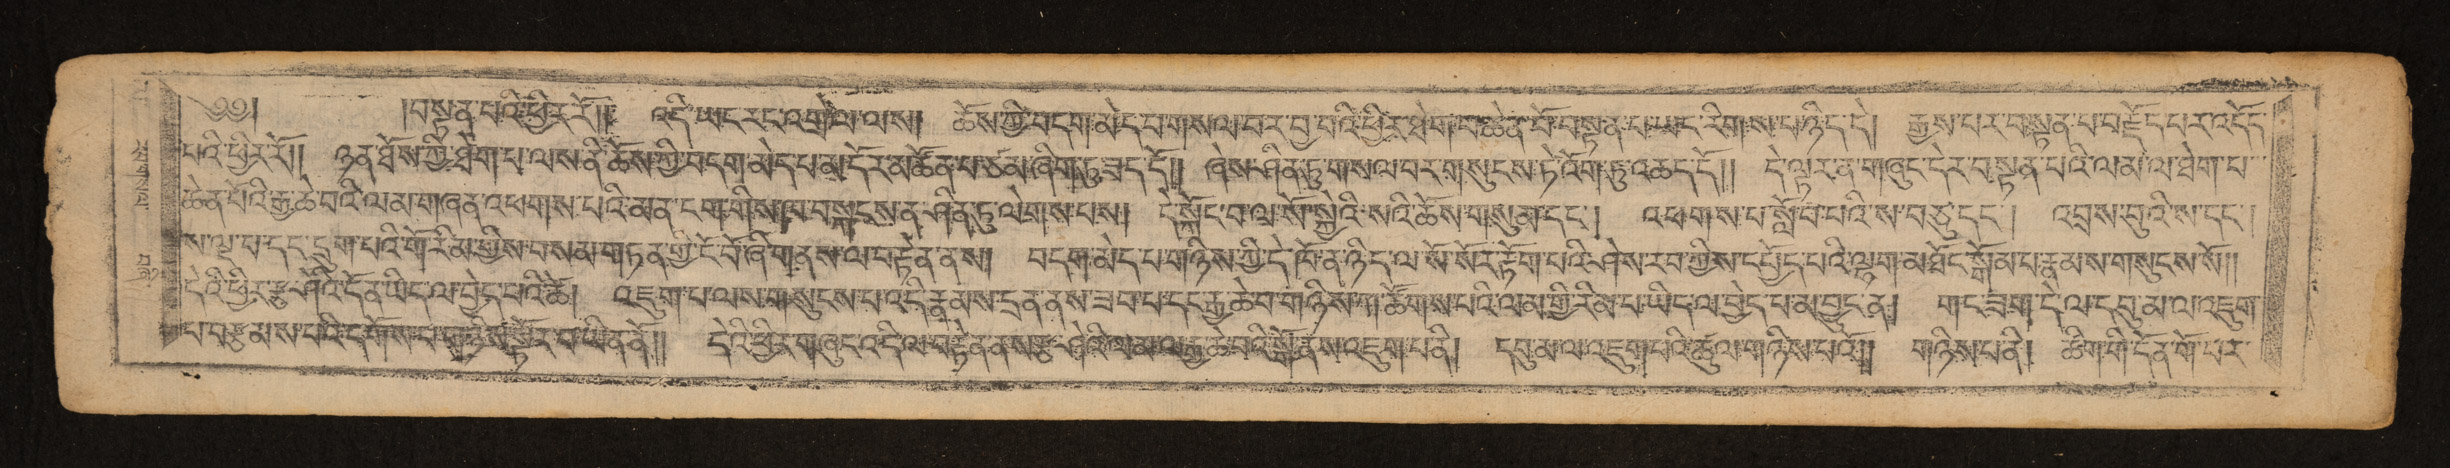བསྟན་པའི་ཕྱིར་རོ།། འདི་ཡང་རང་འགྲེལ་ལས། ཆོས་ཀྱི་བདག་མེད་པ་གསལ་བར་བྱ་བའི་ཕྱིར་ཐེག་པ་ཆེན་པོ་བསྟན་པ་ཡང་རིགས་པ་ཉིད་དེ། རྒྱས་པར་བསྟན་པ་བརྗོད་པར་འདོད་
པའི་ཕྱིར་རོ།། ཉན་ཐོས་ཀྱི་ཐེག་པ་ལས་ནི་ཆོས་ཀྱི་བདག་མེད་པ་མདོར་མཚོན་པ་ཙམ་ཞིག་ཏུ་ཟད་དོ།། ཞེས་ཤིན་ཏུ་གསལ་བར་གསུངས་ཏེ་འོག་ཏུ་འཆད་དོ།། དེ་ལྟར་ན་གཞུང་དེར་བསྟན་པའི་ལམ་ལ་ཐེག་པ་
ཆེན་པོའི་རྒྱ་ཆེ་བའི་ལམ་གཞན་འཕགས་པའི་མན་ངག་གིས་ཁ་བཀངས་ན་ཤིན་ཏུ་ལེགས་པས། དེ་སྐོང་བ་ལ་སོ་སྐྱེའི་སའི་ཆོས་གསུམ་དང་། འཕགས་པ་སློབ་པའི་ས་བཅུ་དང་། འབྲས་བུའི་ས་དང་།
ས་ལྔ་པ་དང་དྲུག་པའི་གོ་རིམ་གྱིས་བསམ་གཏན་གྱི་ངོ་བོ་ཞི་གནས་ལ་བརྟེན་ནས། བདག་མེད་པ་གཉིས་ཀྱི་དེ་ཁོ་ན་ཉིད་ལ་སོ་སོར་རྟོག་པའི་ཤེས་རབ་ཀྱིས་དཔྱོད་པའི་ལྷག་མཐོང་སྒོམ་པ་རྣམས་གསུངས་སོ།།
དེའི་ཕྱིར་རྩ་ཤེའི་དོན་ཡིད་ལ་བྱེད་པའི་ཚེ། འཇུག་པ་ལས་གསུངས་པ་འདི་རྣམས་དྲན་ནས་ཟབ་པ་དང་རྒྱ་ཆེ་བ་གཉིས་ཀ་ཚོགས་པའི་ལམ་གྱི་རིམ་པ་ཡིད་ལ་བྱེད་པ་མ་བྱུང་ན། གང་ཟག་དེ་ལ་དབུ་མ་ལ་འཇུག་
པ་བརྩམས་པའི་དགོས་པ་གཉིས་སྟོར་བ་ཡིན་ནོ། །དེའི་ཕྱིར་གཞུང་འདི་ལ་བརྟེན་ནས་རྩ་ཤེའི་ལམ་ལ་རྒྱ་ཆེ་བའི་སྒོ་ནས་འཇུག་པ་ནི། དབུ་མ་ལ་འཇུག་པའི་ཚུལ་གཉིས་པའོ།། གཉིས་པ་ནི། ཚིག་གི་དོན་གོ་བར་